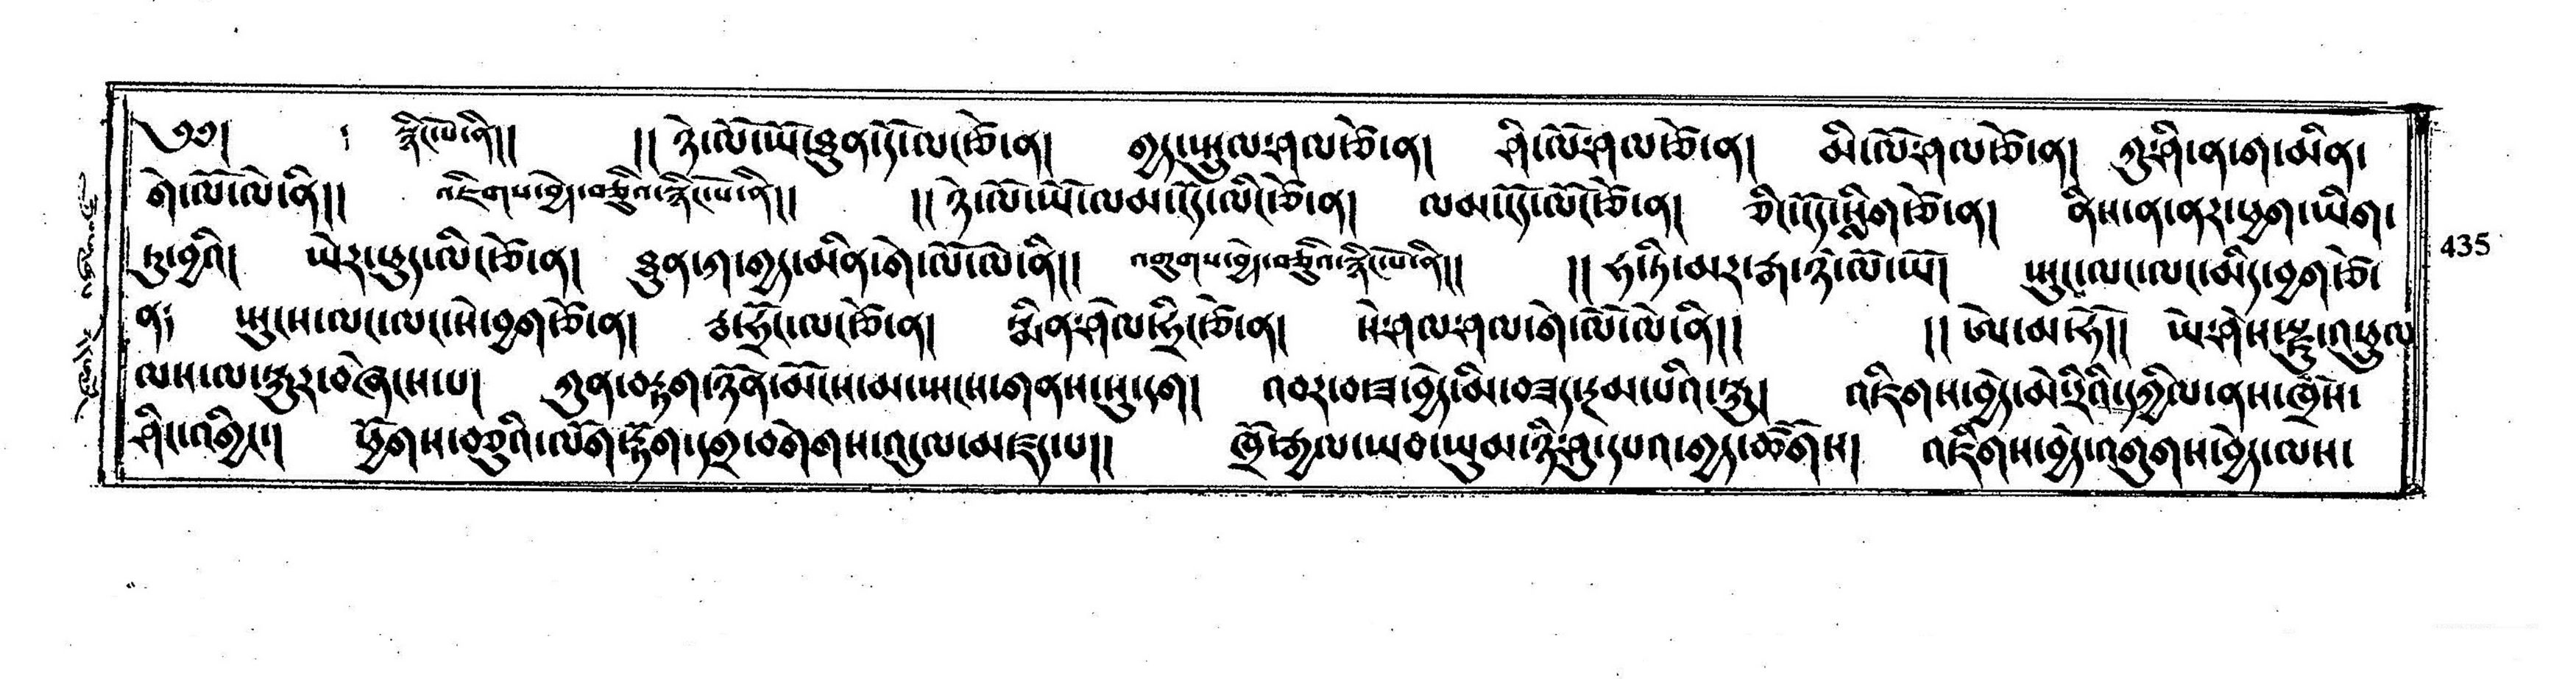སྙིང་པོ་ནི།། །།ཉེ་ལོ་ཡོ་ཐུན་དོ་ལང་ཙེ་ན། གྱད་སྤྲུལ་ཤལ་ཙེ་ན། ཤི་ལོ་ཤལ་ཙེ་ན། མི་ལོ་ཤལ་ཙེ་ན། ཀུ་ཤི་ན་ག་མིན་
གེ་ལོ་ལེ་ནི།། འཇིགས་བྱེད་བཅུའི་སྙིང་པོ་ནི།། །།ཉེ་ལོ་ཡོ་ལམ་ངོད་ལིང་ཙེ་ན། ལམ་ངོད་ལོང་ཙེ་ན། ཅིང་ངོད་སླིག་ཙེ་ན། ནིས་ན་ནར་ཕྱག་ཡིག་
ཏུ་བྱའི། ཡེར་ཕུད་ལིང་ཙེ་ན། ཐུན་ཀ་གྱད་མིན་གེ་ལོ་ལེ་ནི།། འགུགས་བྱེད་བཅུའི་{448}སྙིང་པོ་ནི།། །།ཧ་ཏི་མར་རྒ་ཉེ་ལོ་ཡོ། སྤུངས་ལང་ལང་མིད་བྱག་ཙེ་
ན། སྤུངས་ལང་ལང་སེ་བྱག་ཙེ་ན། རྦ་ཧྲོང་ལང་ཙེ་ན། སྨིན་ཤེལ་ཧྲིང་ཙེ་ན། སེ་ཤལ་ཤལ་གེ་ལོ་ལེ་ནི།། །།ཨེ་མ་ཧོ།། ཡེ་ཤེས་རྫུ་འཕྲུལ་
ལས་ལ་སྐུར་བཞེངས་པ། ཀུན་བརྟག་ཉོན་མོངས་མ་སྤངས་གནས་སུ་དག འབར་བ་ཟ་བྱེད་མི་བཟད་རྔམ་པའི་སྐུ། འཇིགས་བྱེད་མེ་རིའི་དཀྱིལ་ནས་ཁྲོས་
ཤིང་འགྱིང་། ཕྱོགས་བཅུའི་ལོག་རྟོག་དགྲ་བགེགས་འདུལ་མཛད་པ།། ཁྲོ་རྒྱལ་ཡབ་ཡུམ་ཉི་ཤུ་དཔའ་གྱད་ཚོགས། འཇིགས་བྱེད་འགུགས་བྱེད་ལས་